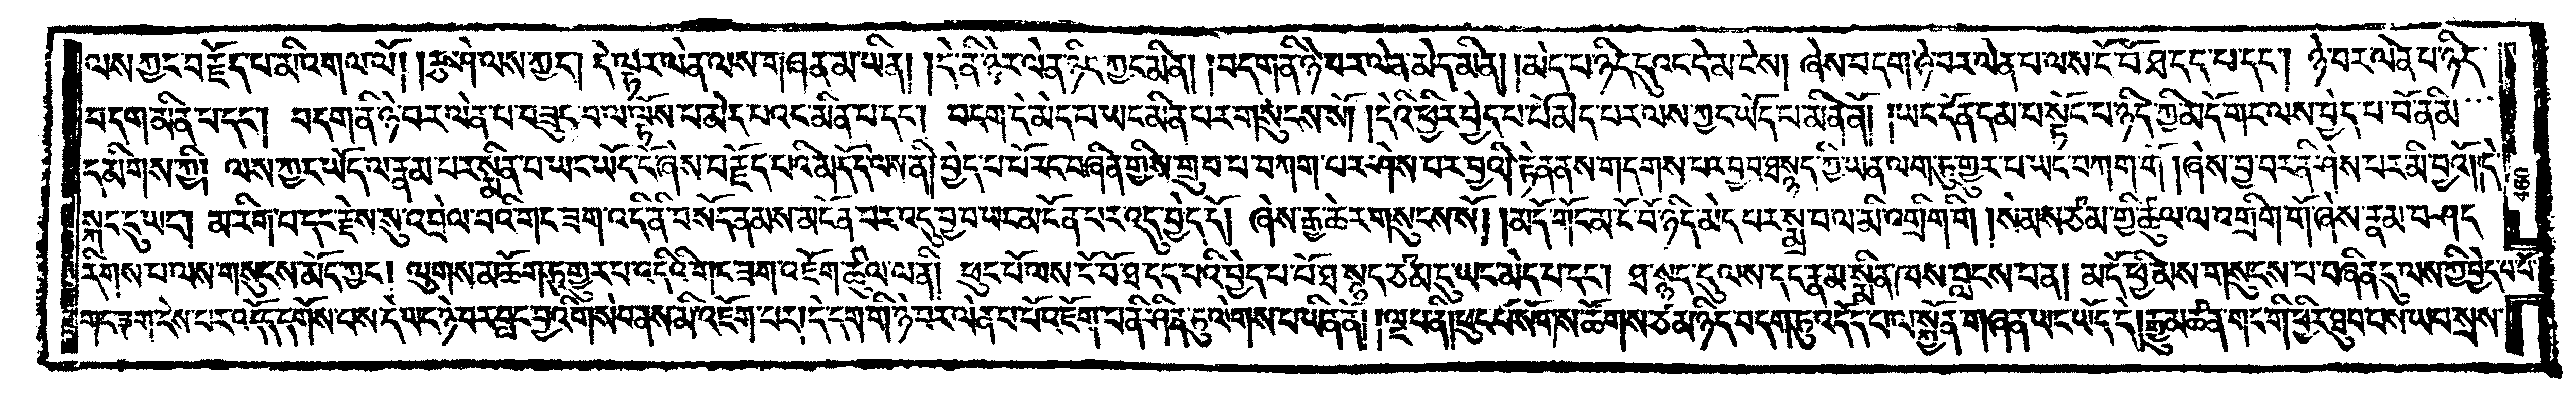ལས་ཀྱང་བརྗོད་པ་མི་འགལ་ལོ། །རྩ་ཤེ་ལས་ཀྱང་། དེ་ལྟར་ལེན་ལས་གཞན་མ་ཡིན། །དེ་ནི་ཉེར་ལེན་ཉིད་ཀྱང་མིན། །བདག་ནི་ཉེ་བར་ལེན་མེད་མིན། །མེད་པ་ཉིད་དུའང་དེ་མ་ངེས། ཞེས་བདག་ཉེ་བར་ལེན་པ་ལས་ངོ་བོ་ཐ་དད་པ་དང་། ཉེ་བར་ལེན་པ་ཉིད་
བདག་མིན་པ་དང་། བདག་ནི་ཉེ་བར་ལེན་པ་བཟུང་བ་ལ་ལྟོས་པ་མེད་པའང་མིན་པ་དང་། བདག་དེ་མེད་པ་ཡང་མིན་པར་གསུངས་སོ། །དེའི་ཕྱིར་བྱེད་པ་པོ་མེད་པར་ལས་ཀྱང་ཡོད་པ་མིན་ནོ། །ཡང་དོན་དམ་པ་སྟོང་པ་ཉིད་ཀྱི་མདོ་གང་ལས་བྱེད་པ་པོ་ནི་མ་
དམིགས་ཀྱི། ལས་ཀྱང་ཡོད་ལ་རྣམ་པར་སྨིན་པ་ཡང་ཡོད་དོ་ཞེས་བརྗོད་པའི་མདོ་དེ་ལས་ནི། བྱེད་པ་པོ་རང་བཞིན་གྱིས་གྲུབ་པ་བཀག་པར་ཤེས་པར་བྱའི། རྟེན་ནས་གདགས་པར་བྱ་བ་ཐ་སྙད་ཀྱི་ཡན་ལག་ཏུ་གྱུར་པ་ཡང་བཀག་གོ །ཞེས་བྱ་བར་ནི་ཤེས་པར་མི་བྱའོ། །དེ་
སྐད་དུ་ཡང་། མ་རིག་པ་དང་རྗེས་སུ་འབྲེལ་བའི་གང་ཟག་འདི་ནི་བསོད་ནམས་མངོན་པར་འདུ་བྱ་བ་ཡང་མངོན་པར་འདུ་བྱེད་དོ། ཞེས་རྒྱ་ཆེར་གསུངས་སོ། །མདོ་གོང་མ་ངོ་བོ་ཉིད་མེད་པར་སྨྲ་བ་ལ་མི་འགྲིག་གི །སེམས་ཙམ་གྱི་ཚུལ་ལ་འགྲིག་གོ་ཞེས་རྣམ་བཤད་
རིགས་པ་ལས་གསུངས་མོད་ཀྱང་། ལུགས་མཆོག་ཏུ་གྱུར་པ་འདིའི་གང་ཟག་འཇོག་ཚུལ་ལ་ནི། ཕུང་པོ་ལས་ངོ་བོ་ཐ་དད་པའི་བྱེད་པ་པོ་ཐ་སྙད་ཙམ་དུ་ཡང་མེད་པ་དང་། ཐ་སྙད་དུ་ལས་དང་རྣམ་སྨིན་ཁས་བླངས་པ་ན། མདོ་ཕྱི་མས་གསུངས་པ་བཞིན་དུ་ལས་ཀྱི་བྱེད་པ་པོ་
གང་ཟག་ངེས་པར་འདོད་དགོས་པས་དེ་ཡང་ཉེ་བར་བླང་བྱའི་གསེབ་ནས་མི་འཇོག་པར། དེ་དག་གི་ཉེ་བར་ལེན་པ་པོ་འཇོག་པ་ནི་ཤིན་ཏུ་ལེགས་པ་ཡིན་ནོ། །ལྔ་པ་ནི། ཕུང་པོ་སོགས་ཚོགས་ཙམ་ཉིད་བདག་ཏུ་འདོད་པ་ལ་སྐྱོན་གཞན་ཡང་ཡོད་དེ། རྒྱུ་མཚན་གང་གི་ཕྱིར་ཐུབ་པས་ཡབ་སྲས་